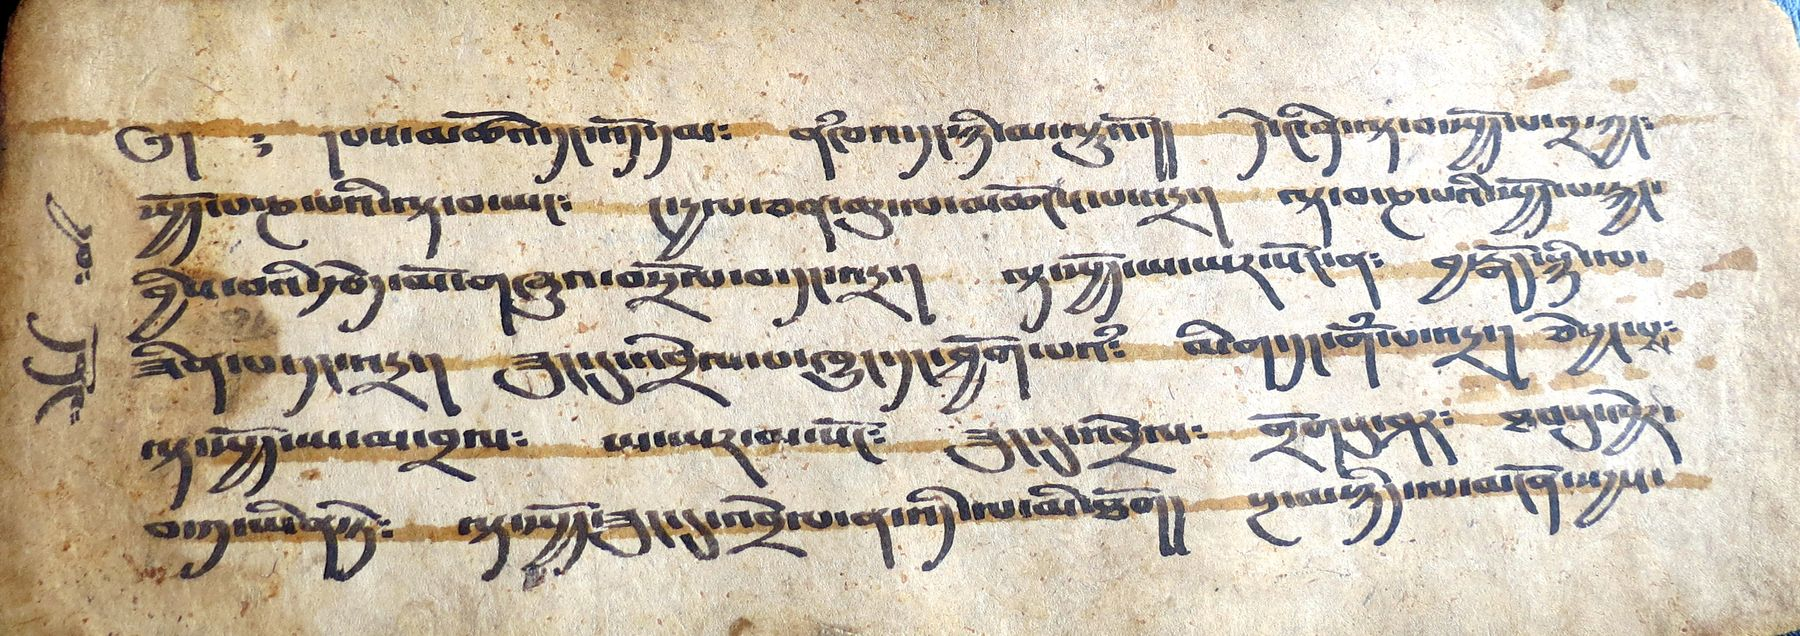བ་མཚོ་དང་མཚོ་འོད་དམ། ནམ་མཁའ་དང་ཉི་མ་ལྟ་བུའོ། དེ་བཞིན་དུ་ལྟ་སྤྱོད་གཉིས་ཀྱང་། 
སྤྱོད་པ་མེད་པའི་ལྟ་རྐྱང་ང་རྒྱལ་ཅན་ཆུ་ལ་མཆོངས་པ་དང་འདྲ། ལྟ་བ་མེད་པའི་སྤྱོད་རྐྱང་
བྱིས་སྦ་རྩེད་མོ་གཞུང་བསྲང་བ་དང་འདྲ། ལྟ་སྤྱོད་ཡ་བྲལ་སོང་ན། བྱ་རྒོད་སྙི་ལ་
ཐེབས་པ་དང་འདྲ། ཟུང་དུ་འབྲེལ་བ་ཁྱུང་དང་གཤོག་པའམ། མིག་དང་གོམ་པ་འདྲ་ཞེས་གསུངས་པས། 
ལྟ་སྤྱོད་གྱ་མ་བྲལ་བ། ཡ་ཆར་མ་སོང་བ། ཟུང་འབྲེལ་གྲོགས་སུ་ཤར། ཐབས་སུ་ཁྱེར་
བ་ཅིག་ཡིན་ཏེ། ལྟ་སྤྱོད་ཟུང་དུ་འབྲེལ་ན། འདི་ལ་མི་ཐོག་སྔ་མ་ཉིད་ན་མངོན་སངས་རྒྱས་